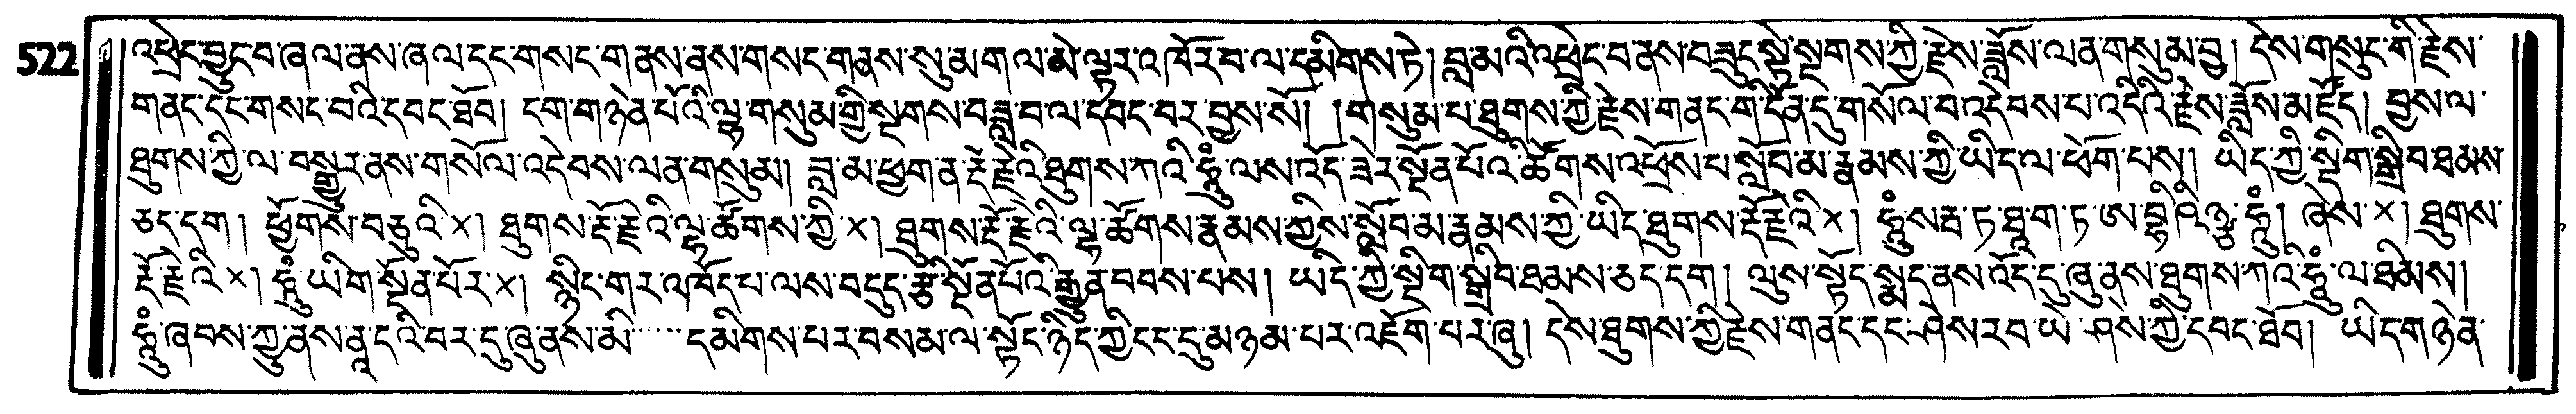འཕྲེང་བྱུང་བ་ཞལ་ནས་ཞལ་དང་གསང་གནས་ནས་གསང་གནས་སུ་མགལ་མེ་ལྟར་འཁོར་བ་ལ་དམིགས་ཏེ། བླ་མའི་འཕྲེང་བ་ནས་བཟུང་སྟེ་སྔགས་ཀྱི་རྗེས་ཟློས་ལན་གསུམ་བྱ། དེས་གསུང་གི་རྗེས་
གནང་དང་གསང་བའི་དབང་ཐོབ། དག་གཉེན་པོའི་ལྷ་གསུམ་གྱི་སྔགས་བཟླ་བ་ལ་དབང་བར་བྱས་སོ། །གསུམ་པ་ཐུགས་ཀྱི་རྗེས་གནང་གི་དོན་དུ་གསོལ་བ་འདེབས་པ་འདིའི་རྗེས་ཟློས་མཛོད། བྱས་ལ་
ཐུགས་ཀྱི་ལ་བསྒྱུར་ནས་གསོལ་འདེབས་ལན་གསུམ། བླ་མ་ཕྱག་ན་རྡོ་རྗེའི་ཐུགས་ཀའི་ཧཱུཾ་ལས་འོད་ཟེར་སྔོན་པོའི་ཚོགས་འཕྲོས་པ་སློབ་མ་རྣམས་ཀྱི་ཡིད་ལ་ཕོག་པས། ཡིད་ཀྱི་སྡིག་སྒྲིབ་ཐམས་
ཅད་དག །ཕྱོགས་བཅུའི་྾། ཐུགས་རྡོ་རྗེའི་ལྷ་ཚོགས་ཀྱི་྾། ཐུགས་རྡོ་རྗེའི་ལྷ་ཚོགས་རྣམས་ཀྱིས་སློབ་མ་རྣམས་ཀྱི་ཡིད་ཐུགས་རྡོ་རྗེའི་྾། ཧཱུཾ་སརྦ་ཏ་ཐཱ་ག་ཏ་ཨ་བྷི་ཥྙྩི་ཧཱུཾ། ཞེས་྾། ཐུགས་
རྡོ་རྗེའི་྾། ཧཱུཾ་ཡིག་སྔོན་པོར་྾། སྙིང་གར་འཁོད་པ་ལས་བདུད་རྩི་སྔོན་པོའི་རྒྱུན་བབས་པས། ཡིད་ཀྱི་སྡིག་སྒྲིབ་ཐམས་ཅད་དག། ལུས་སྟོད་སྨད་ནས་འོད་དུ་ཞུ་ནས་ཐུགས་ཀའི་ཧཱུཾ་ལ་ཐིམས།
ཧཱུཾ་ཞབས་ཀྱུ་ནས་ནཱ་དའི་བར་དུ་ཞུ་ནས་མི་་་དམིགས་པར་བསམ་ལ་སྟོང་ཉིད་ཀྱི་ངང་དུ་མཉམ་པར་འཇོག་པར་ཞུ། དེས་ཐུགས་ཀྱི་རྗེས་གནང་དང་ཤེས་རབ་ཡེ་ཤེས་ཀྱི་དབང་ཐོབ། ཡིད་གཉེན་